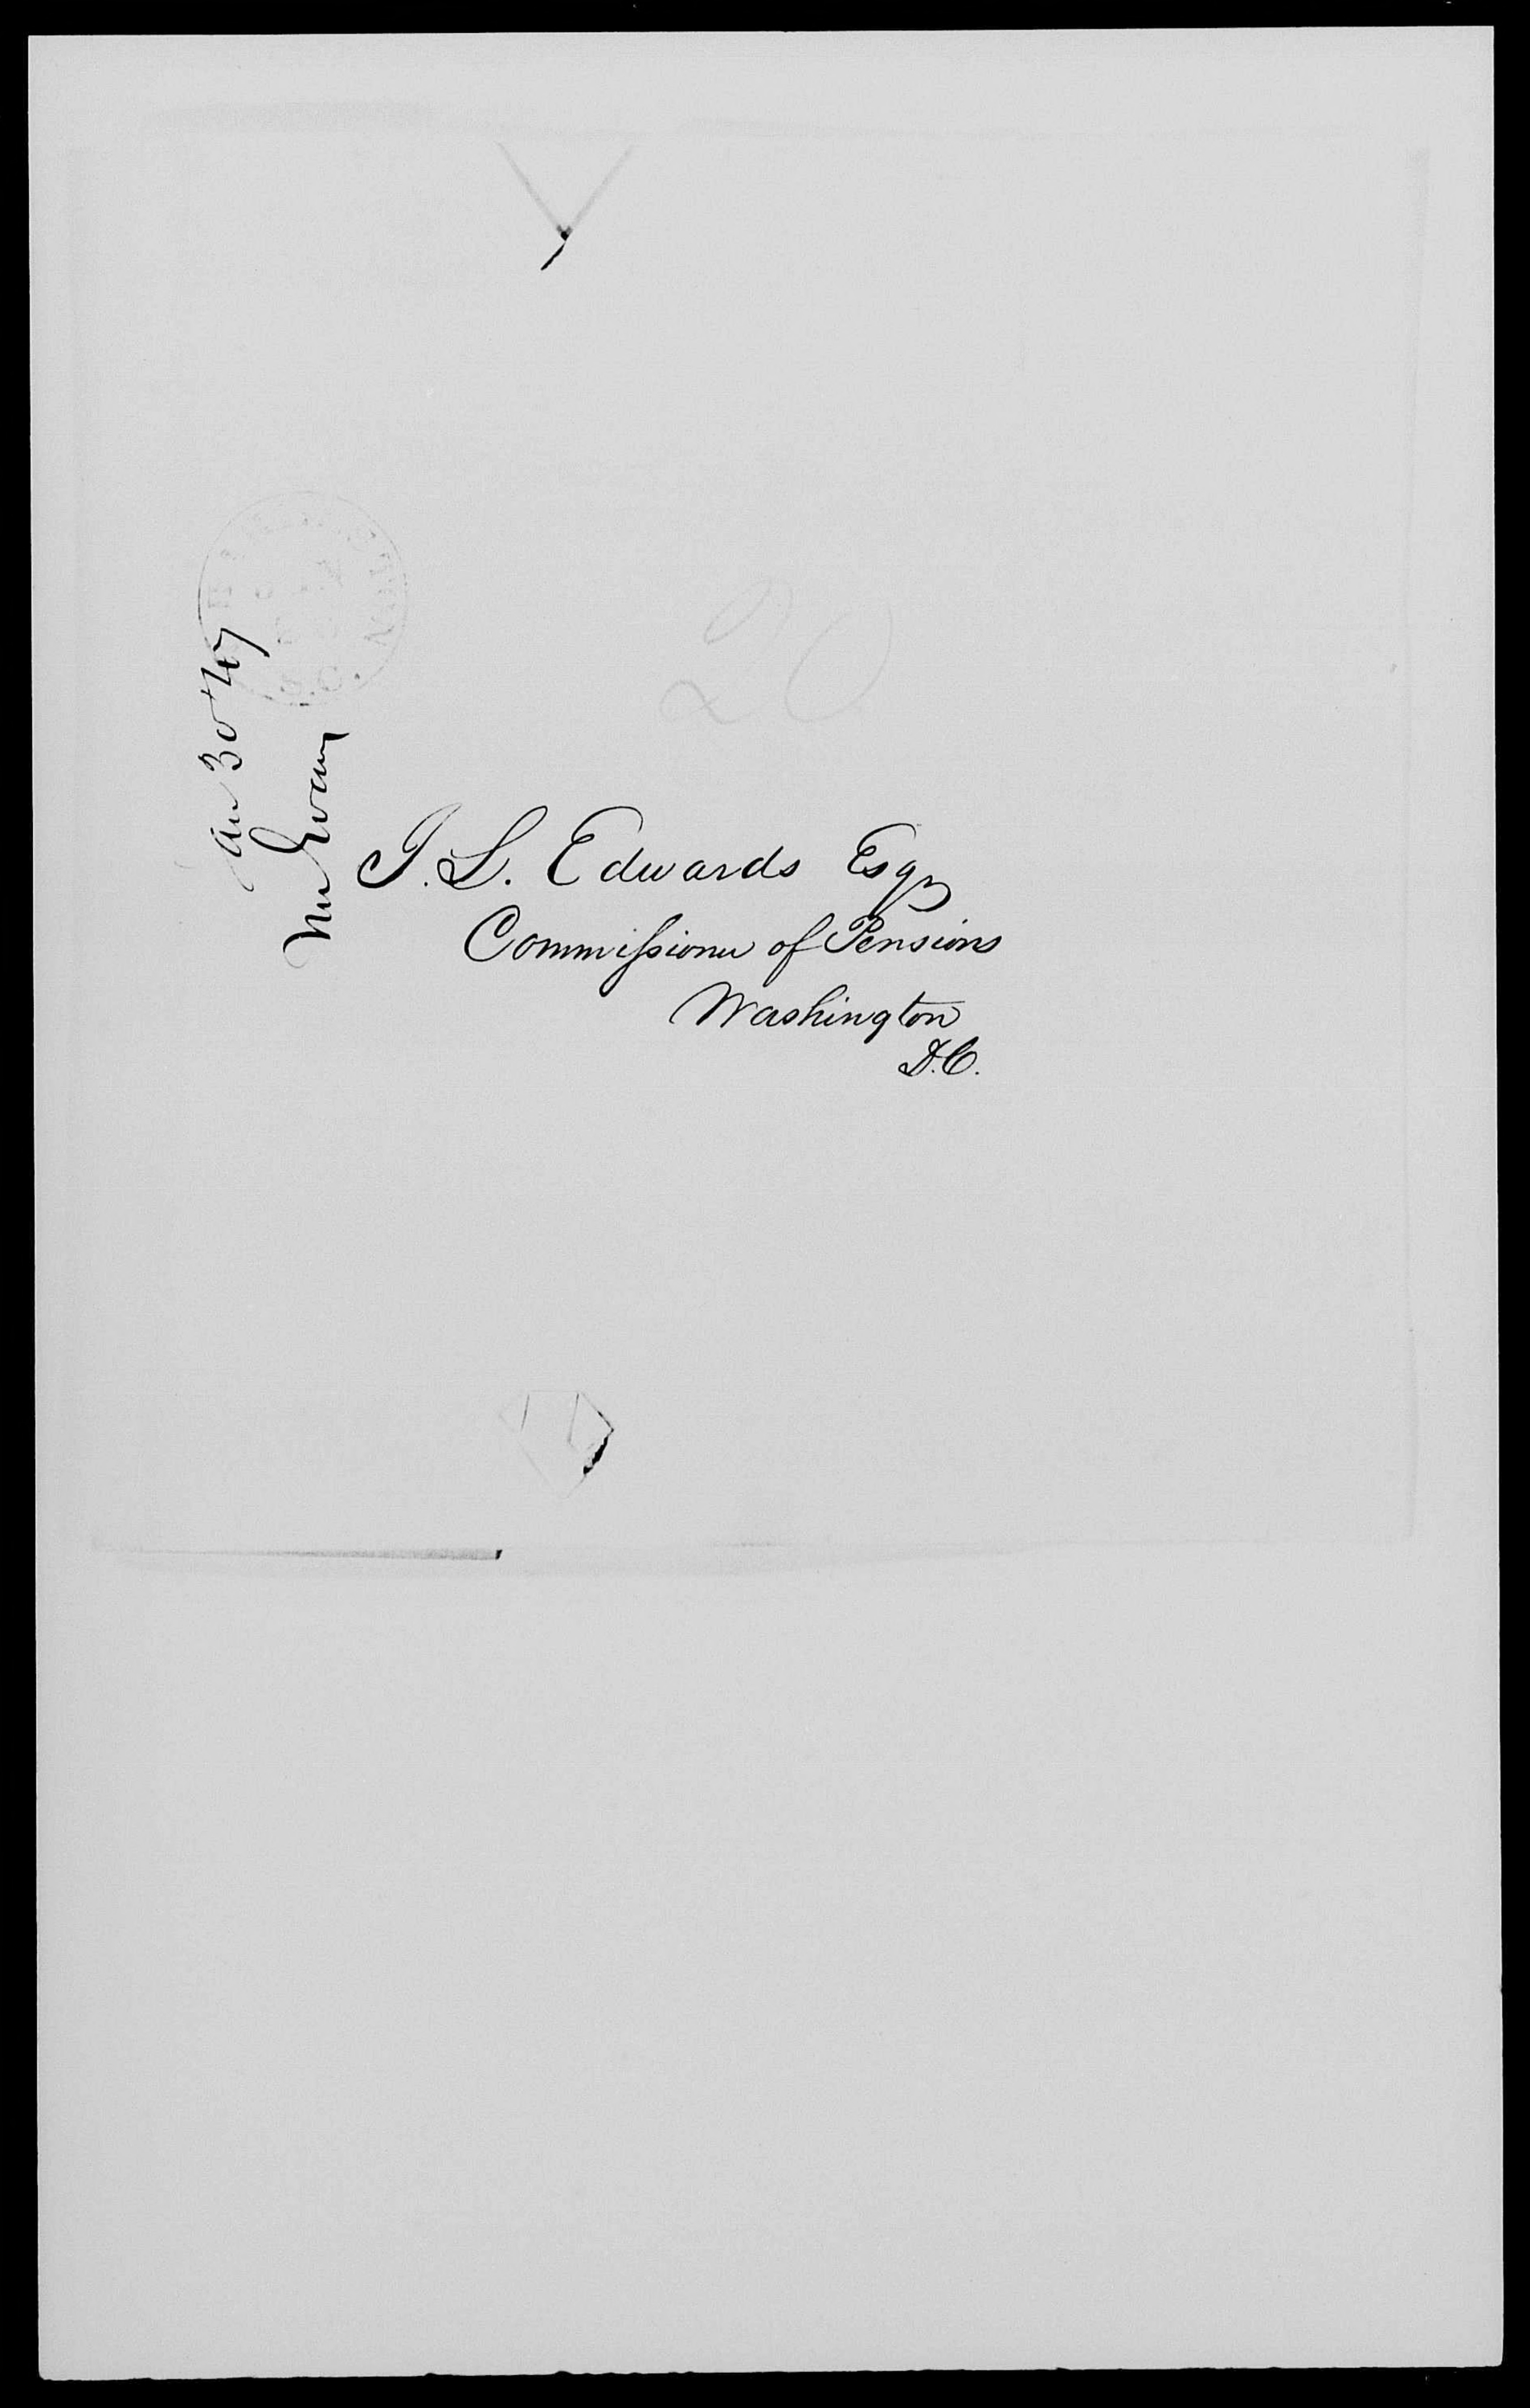Jan 30th 87
[  ]
J.L. Edwards Esq
Commissioner of Pensions
Washington D.C.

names: J L Edwards, Evans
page: 24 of 36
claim: survivor's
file: S 6571, John Bagwell, N.C.